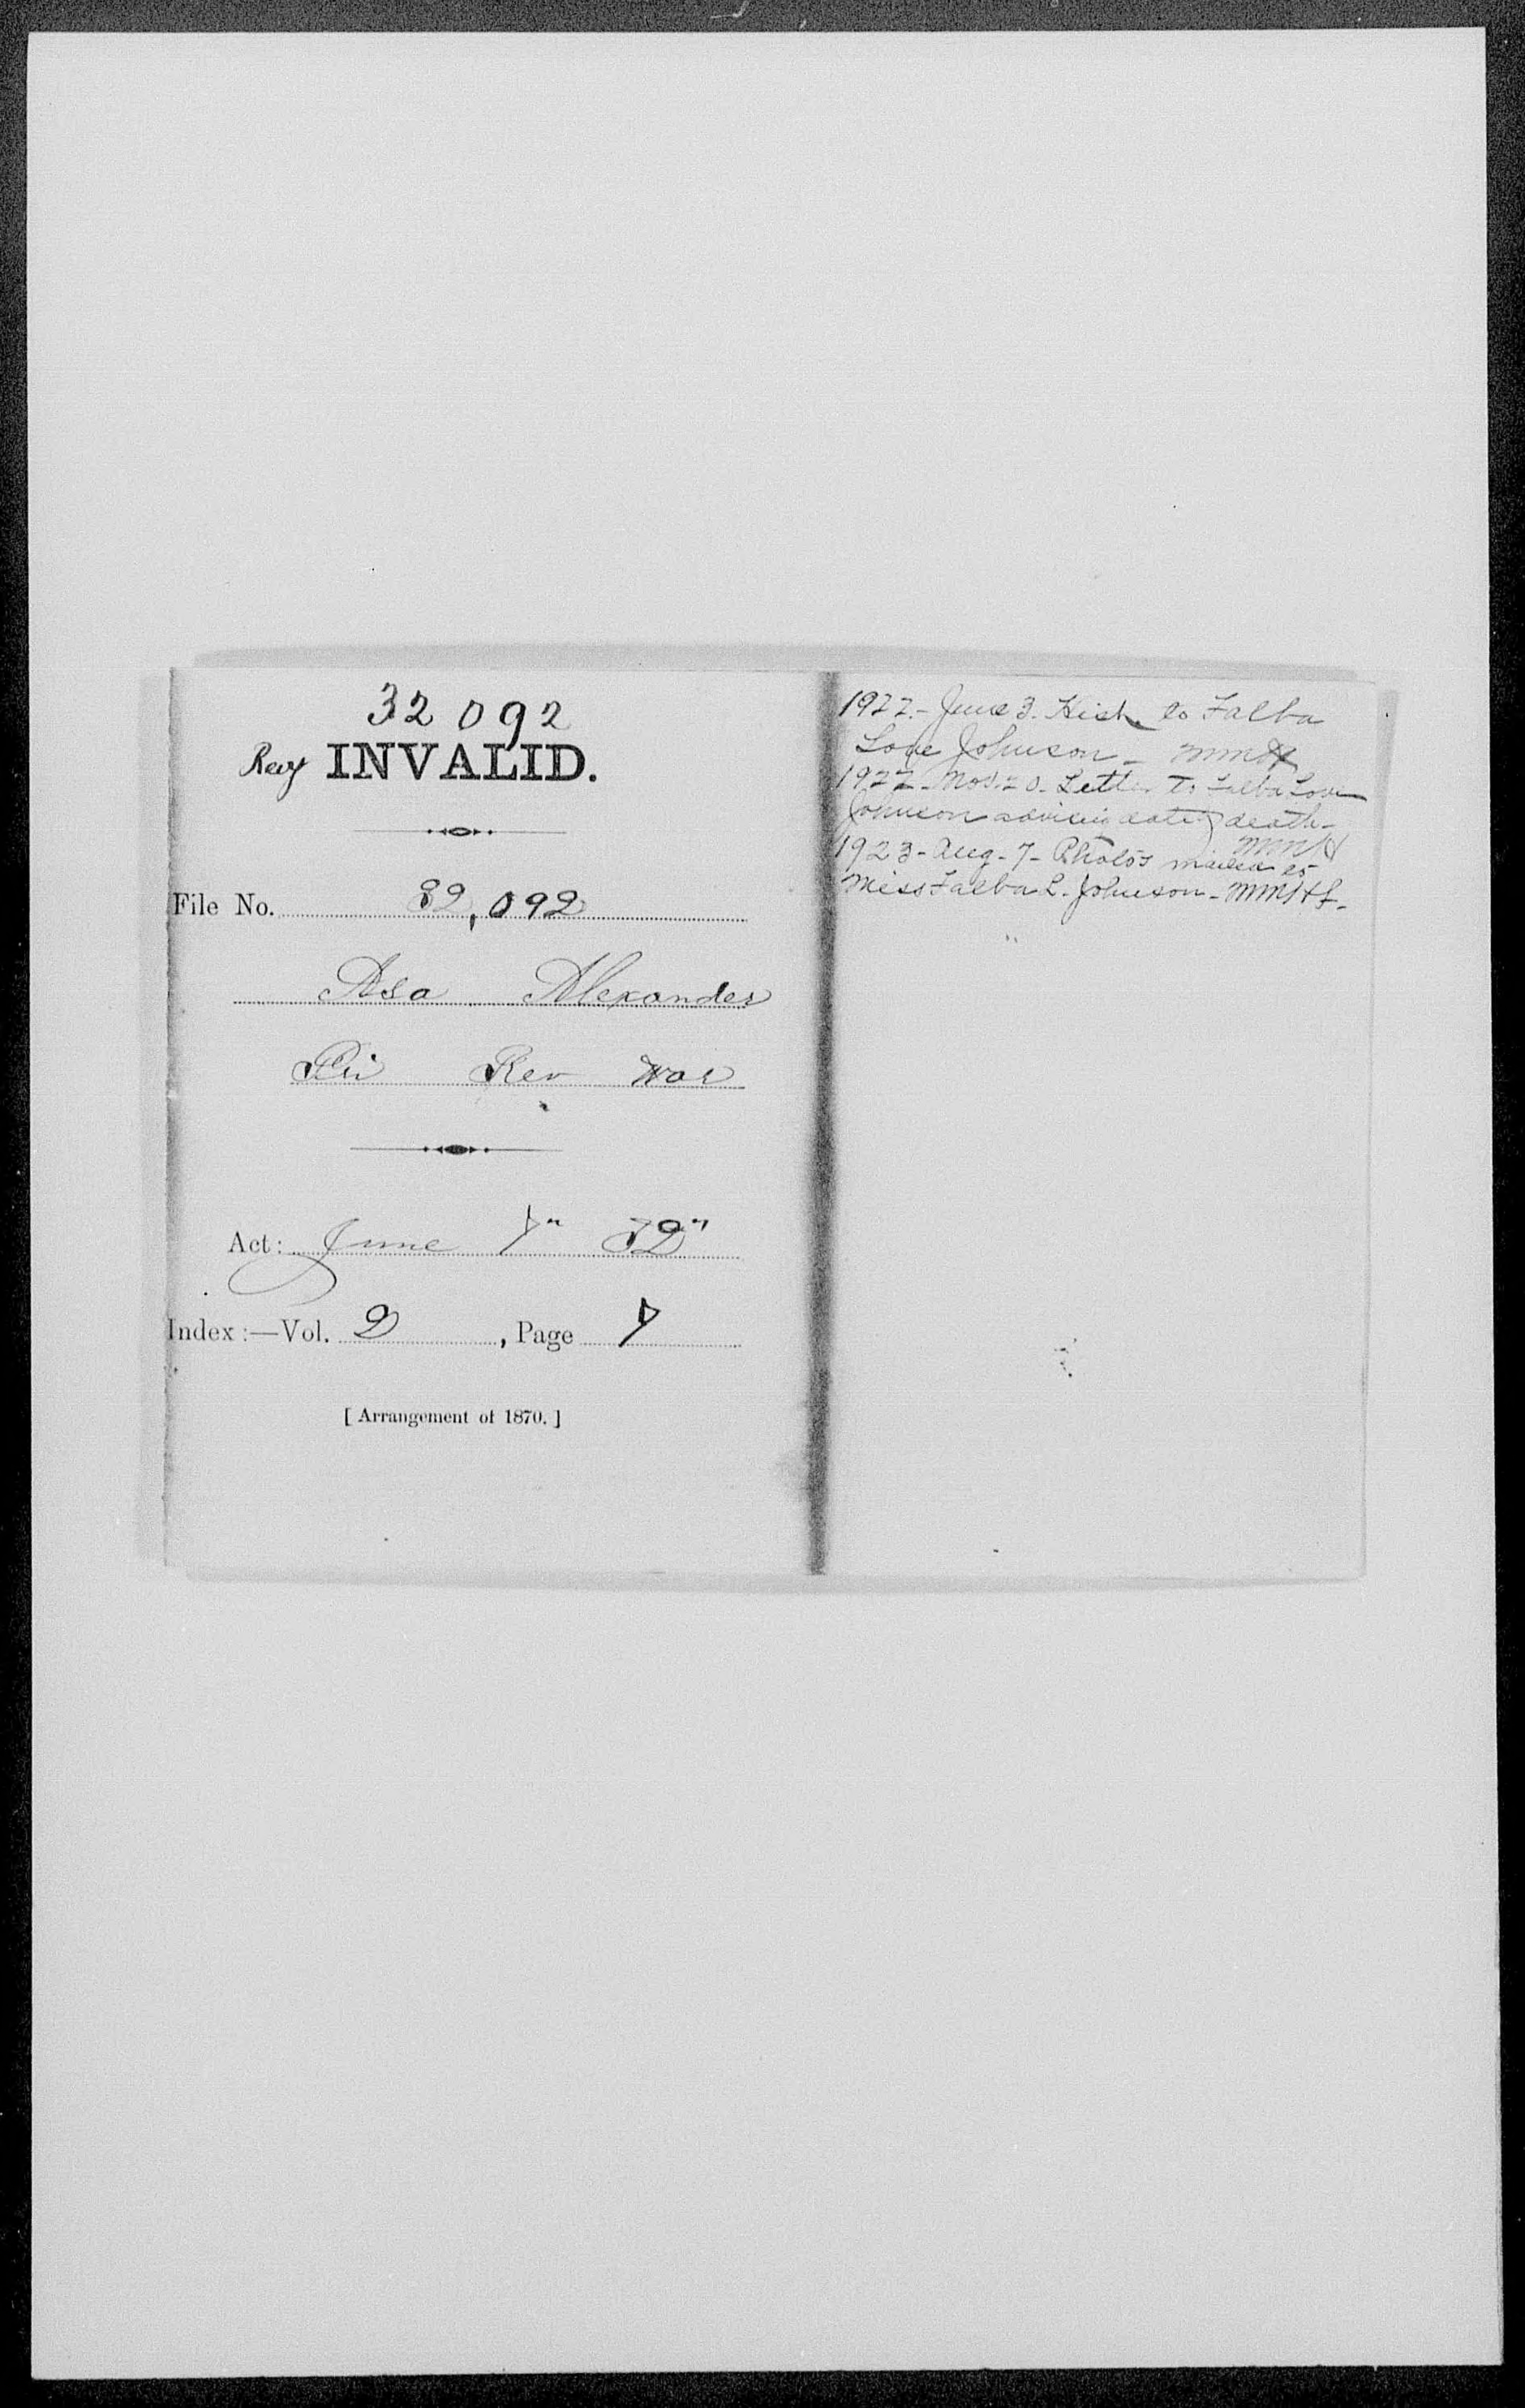Rev. War Section  MWH [cursive]
November 20, 1922
Falba Love Johnson
Government Hotels, X-Y
Washington, D.C.
Madam:
In response to your letter of October 21, 1922, you
are advised that Asa Alexander, Sr., Revolitionary [Revolutionary] War Soldier, S. 32092 died October 1, 1834.
Very respectfully,
Commissioner.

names: Love Johnson, Love Johnson, Falba L Johnson, Asa Alexander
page: 23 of 35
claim: survivor's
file: S. 32092, Asa Alexander, Ga.